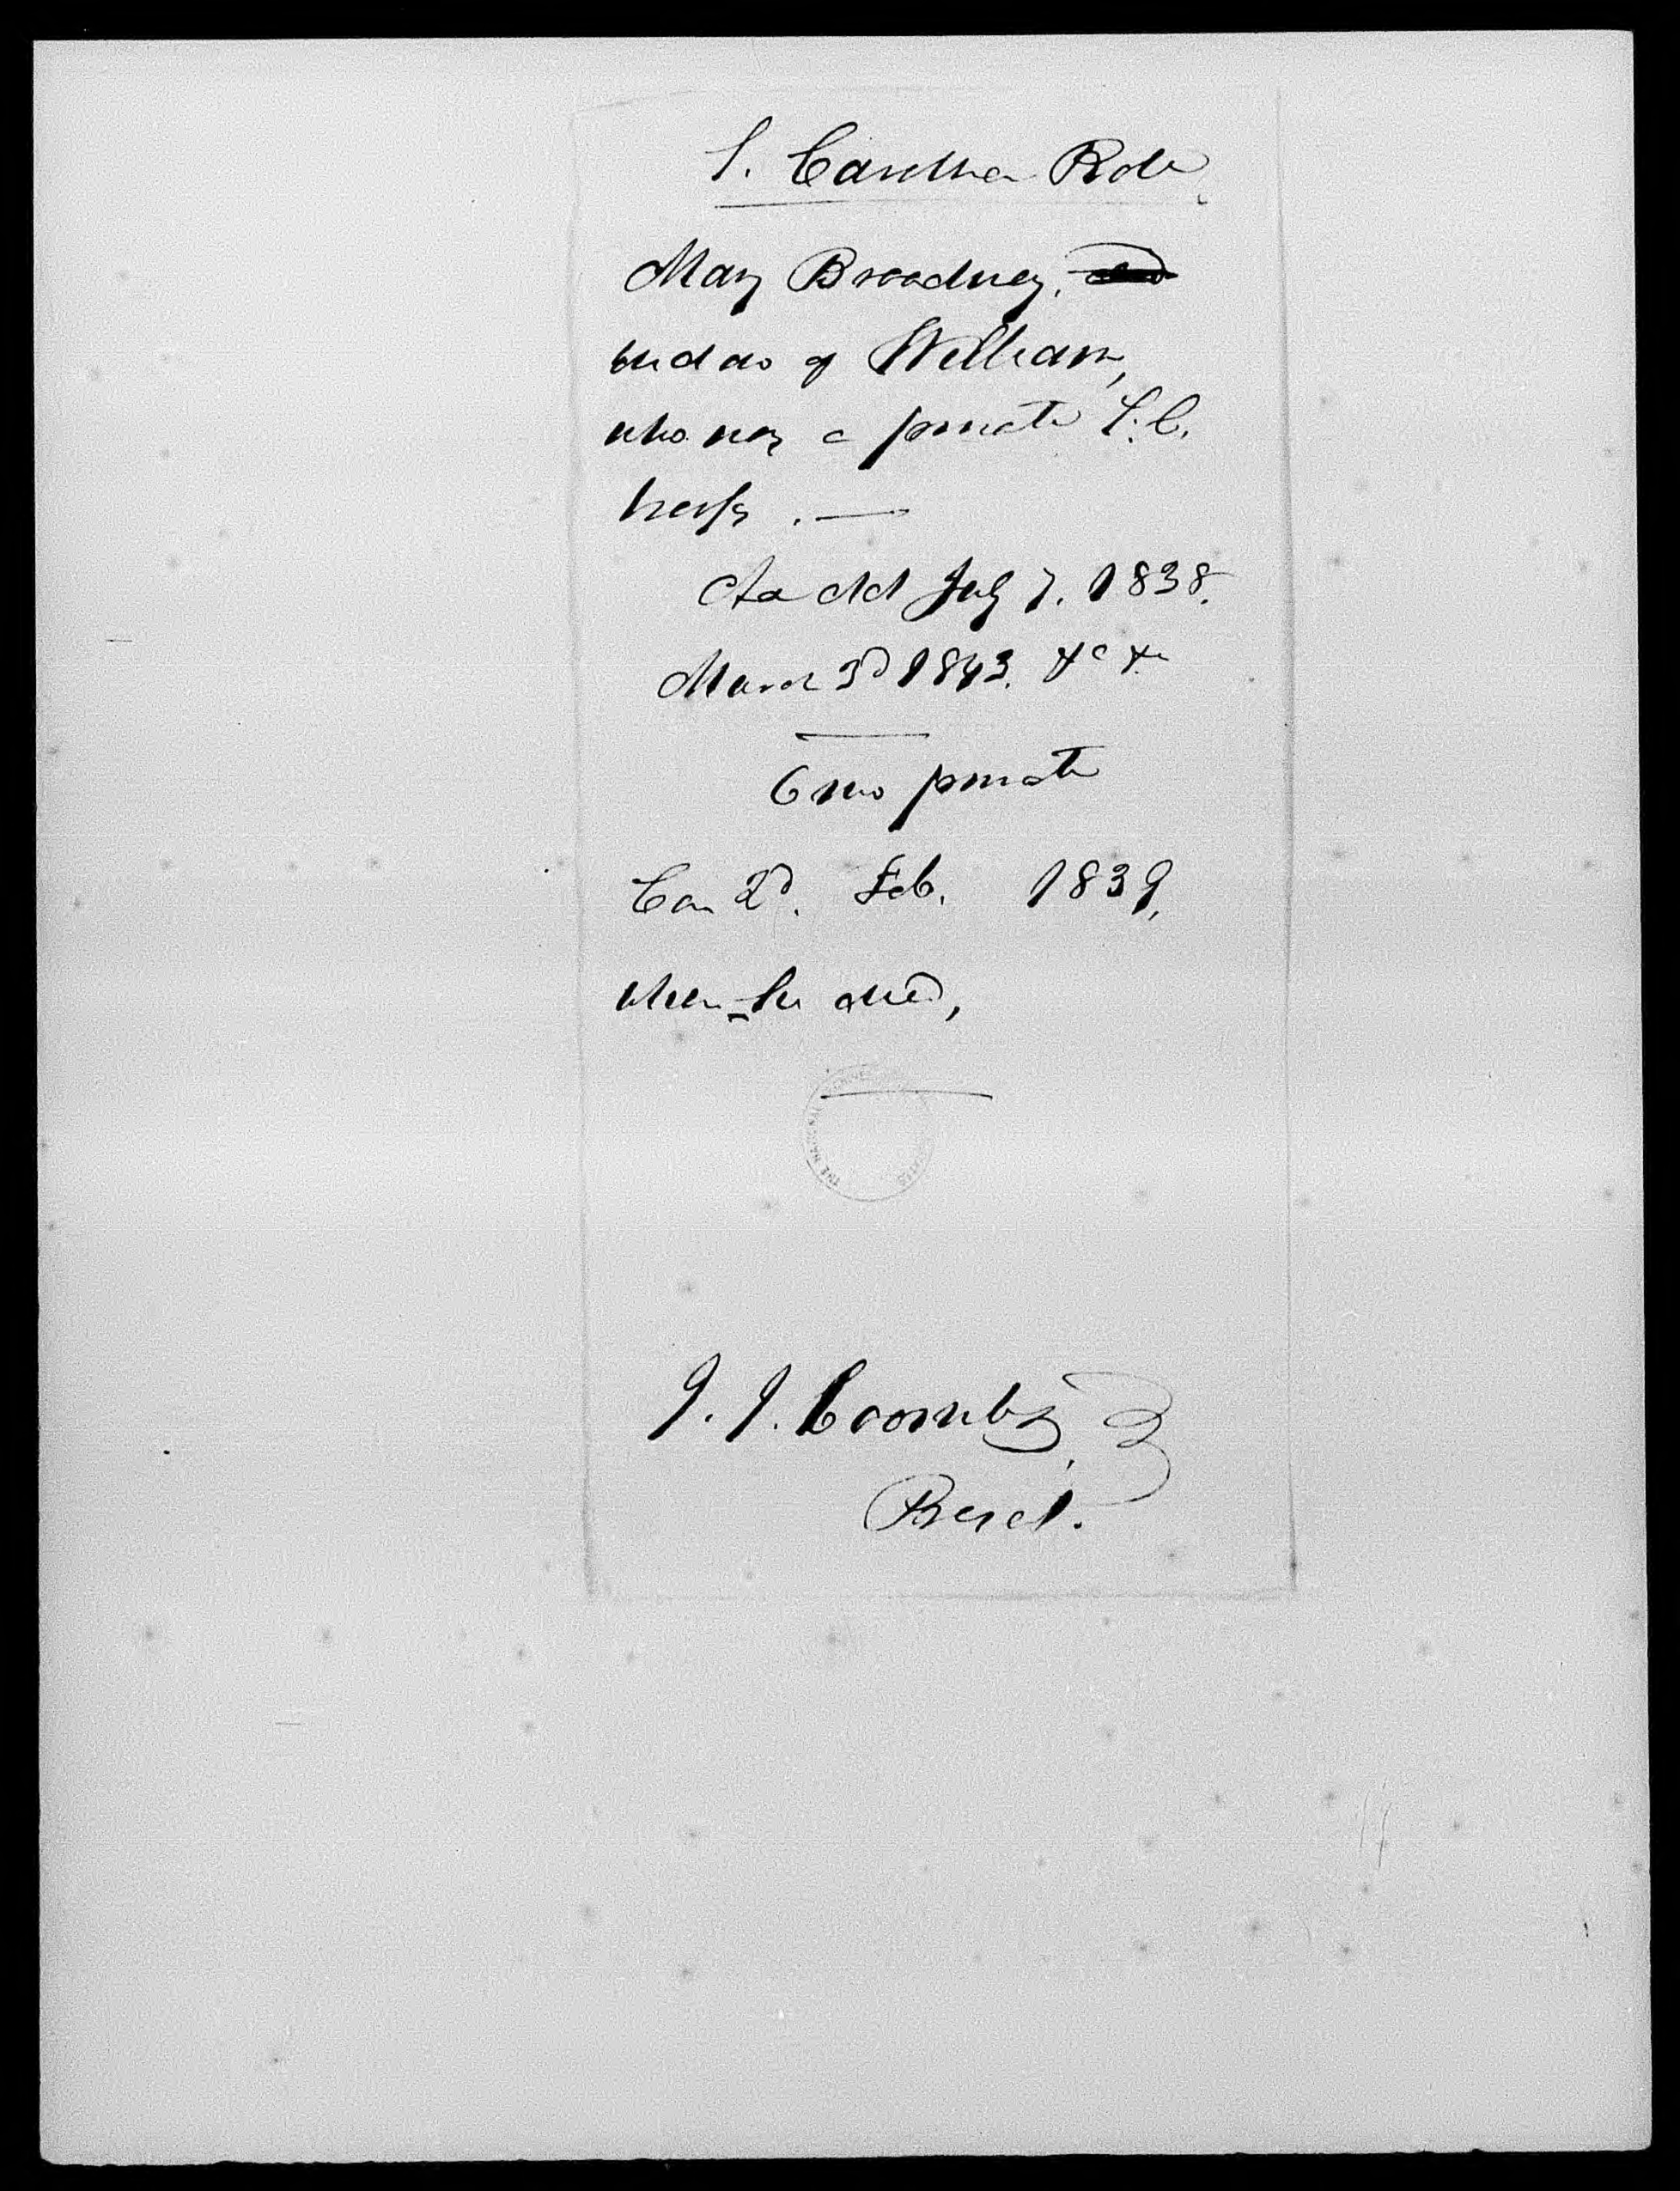S. Carolina Roll
Mary Broadway,
widow of William
who was a private S.C.
troops . 

Clm Act July 7. 1838.
March 3d 1843 &c &
6 mo private
Cav  2d. Feb. 1839,
when he died
[stamp]
THE NATIONAL ARCHIVES OF THE UNITED STATES

J. J. Coombs⎬
Pen A           ⎬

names: Mary Broadney, J J Coombs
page: 78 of 98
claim: widow's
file: W. 8398, William Broadway, S.C.